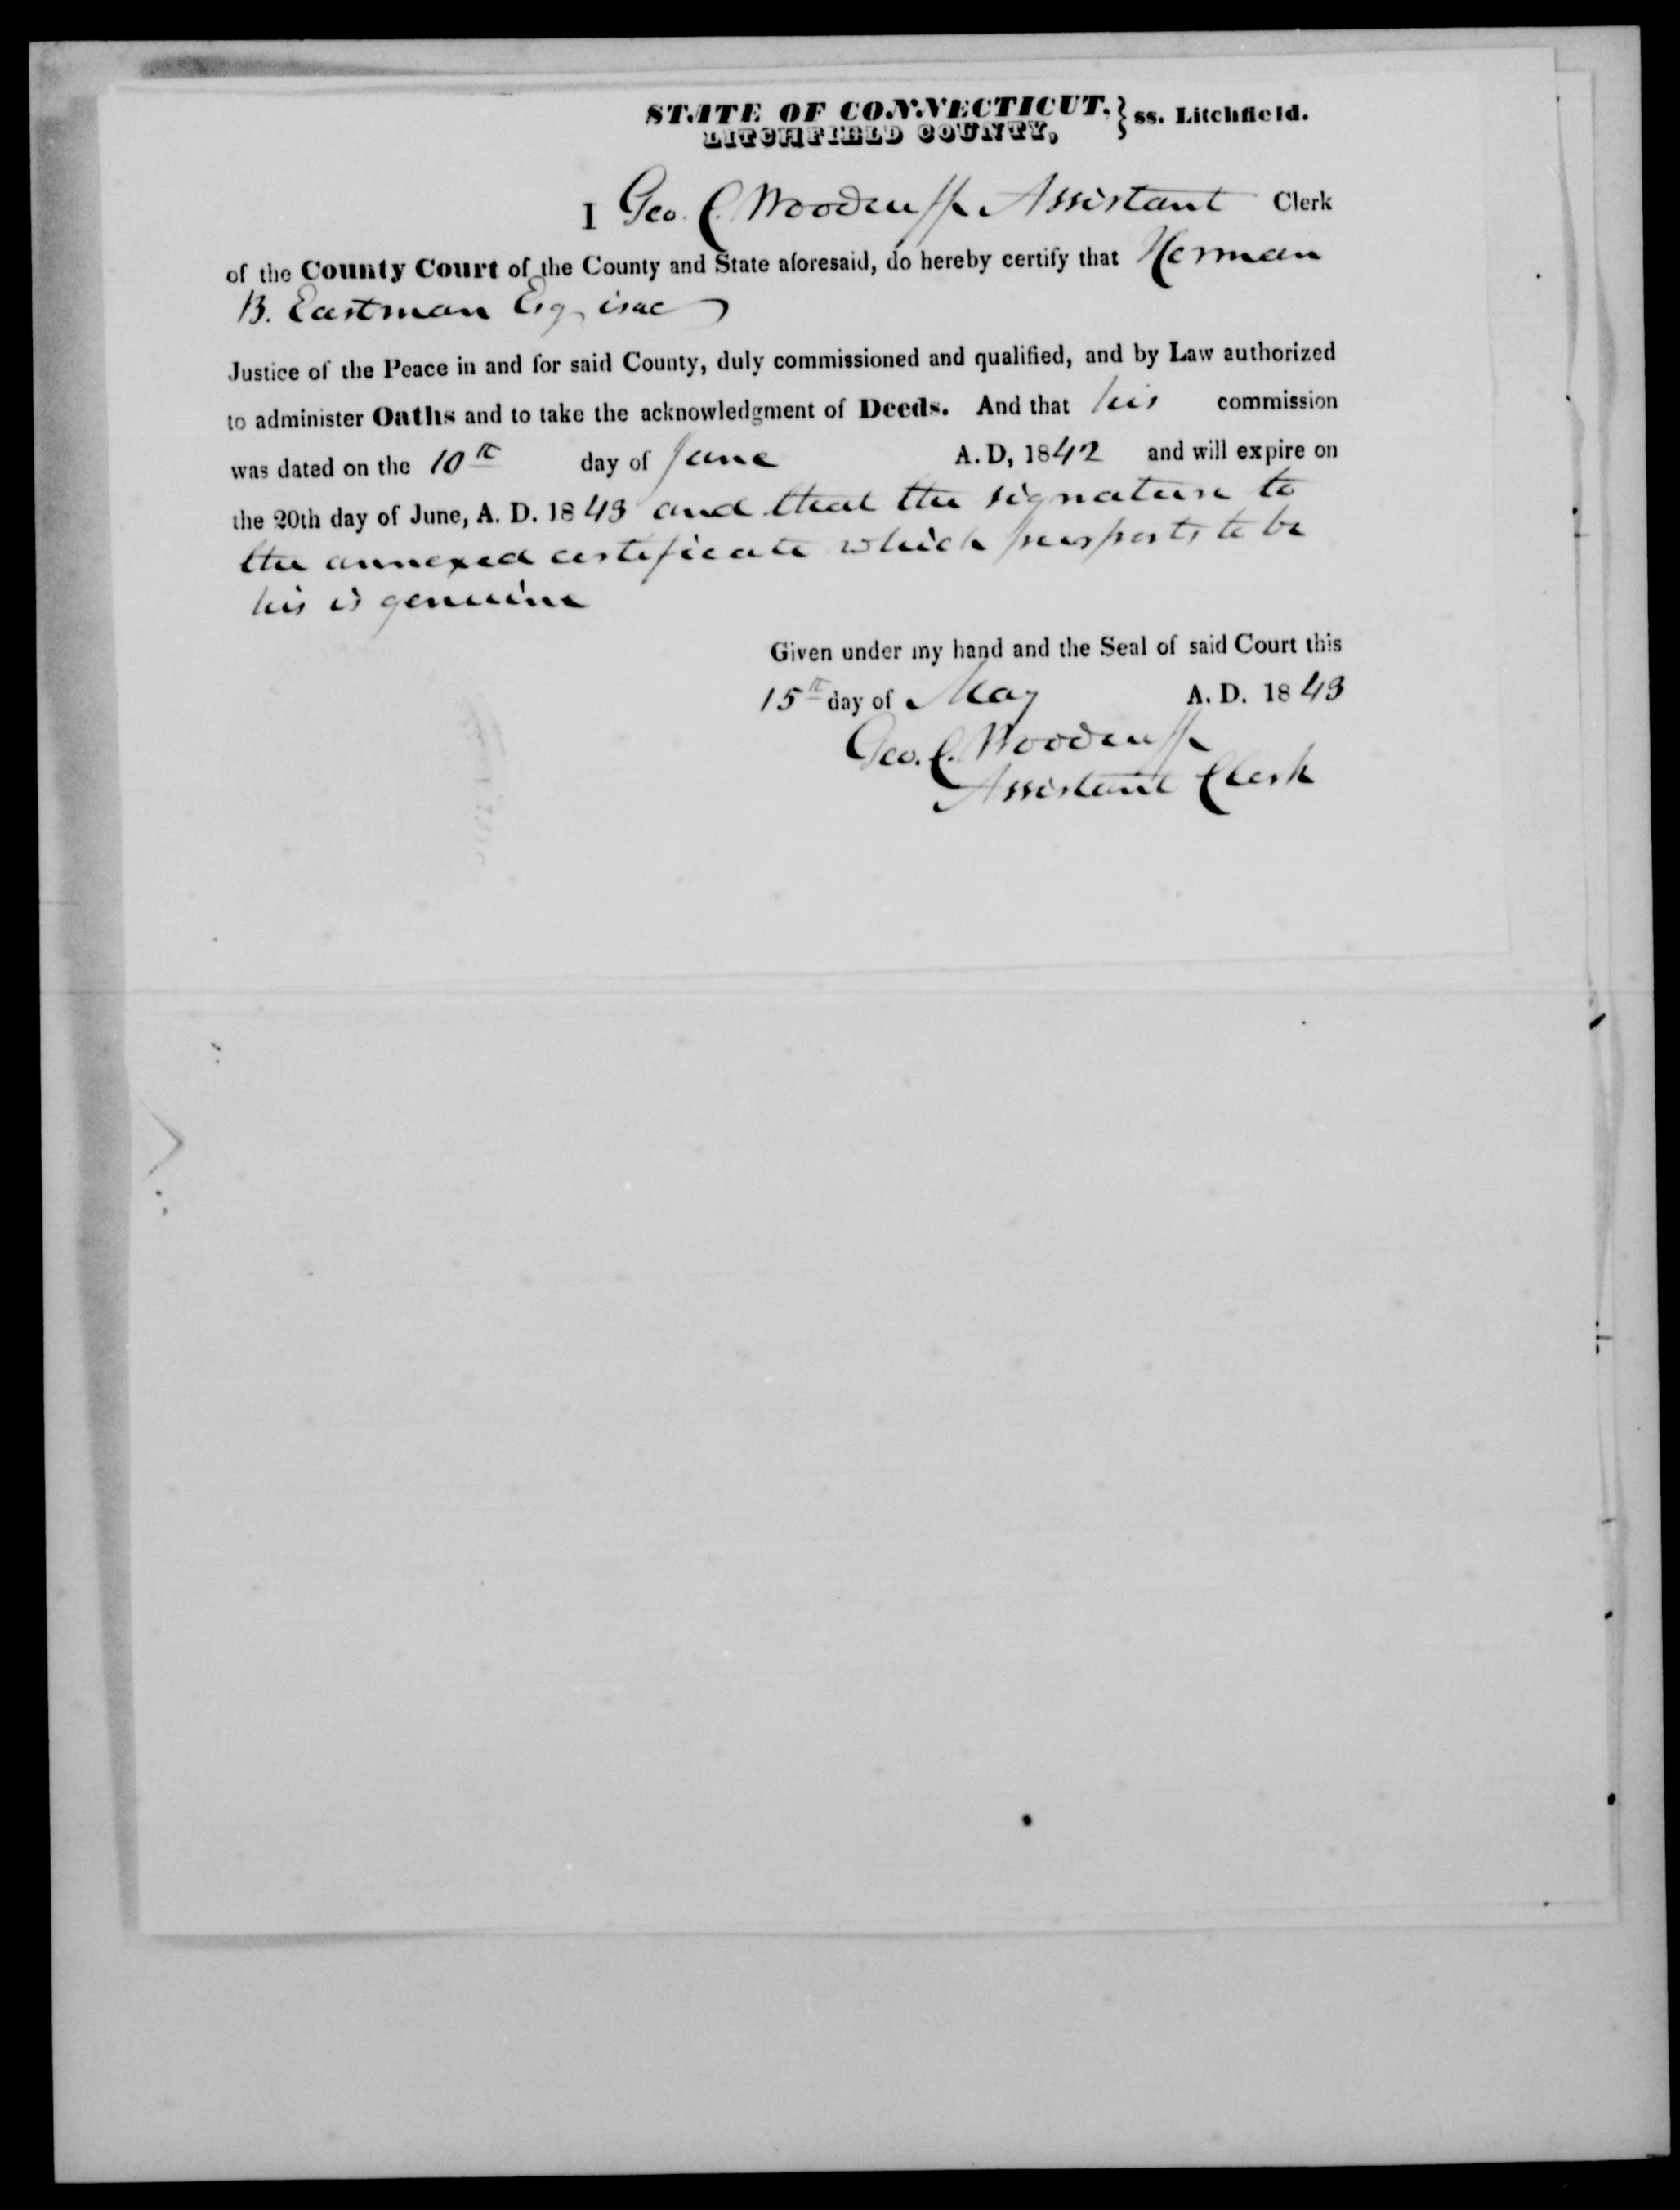STATE OF CONVECTICUT
LITCHFIELD COUNTY } ss. Litchfield. 
I Geo. C. Woodruff Assistant Clerk of the County Court of the County and State aforesaid, do hereby certify that Herman B. Eastman Esquire Justice of the Peace in and for said County, duly commissioned and qualified, and by law authorized to administer Oaths and to take the acknowledgment of Deeds. And that his commission was dated on the 10th day of June A.D. 1842 and will expire on the 20th day of June, A. D. 1843 and that the signature to the annexed certificate which purports to be his is genuine.   
Given under my hand and the Seal of said Court this 15th day of May A. D. 1843 
Geo. C. Woodruff Assistant Clerk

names: Geo C Woodruff; Geo C Woodruff; Herman B Eastman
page: 41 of 55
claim: widow's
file: W. 11480, for Phinehas Smith, Connecticut